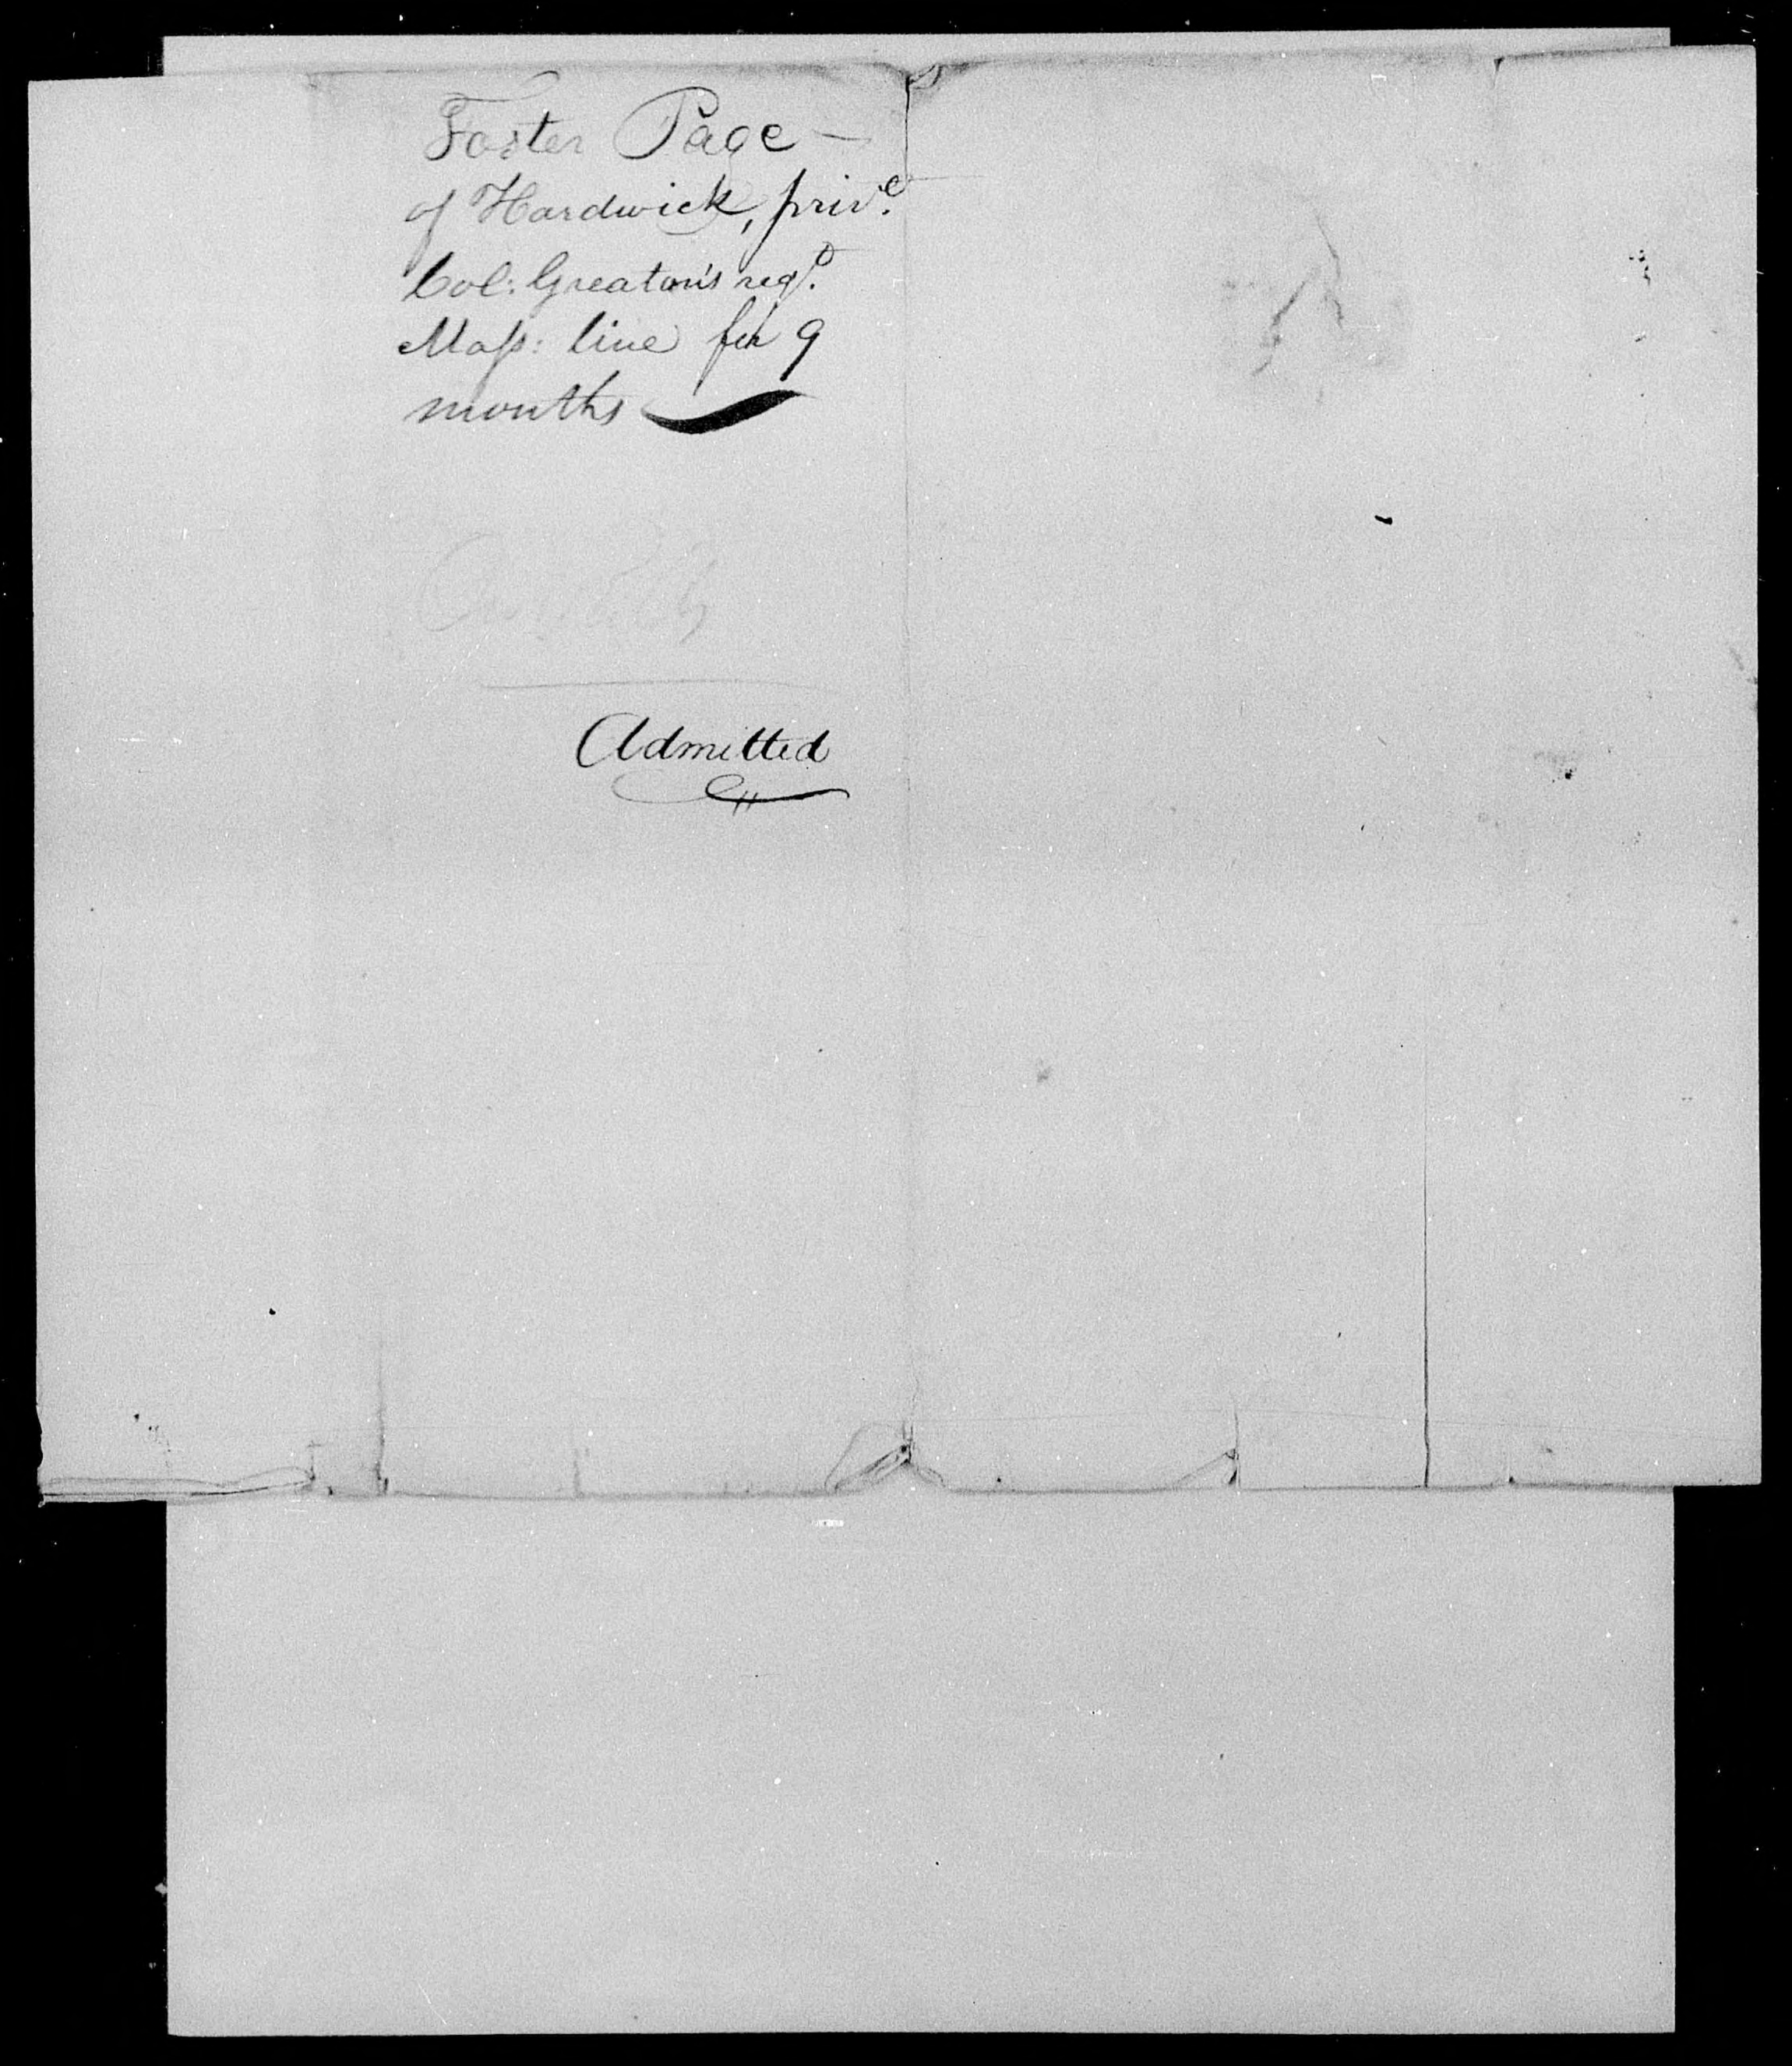Foster Page
of Hardwick, privt.
Col. Greaton's regt
Mass: line for 9
months
[illegible]
Admitted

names: Foster Page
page: 6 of 40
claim: widow's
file: W. 15168, for Foster Paige, Massachusetts